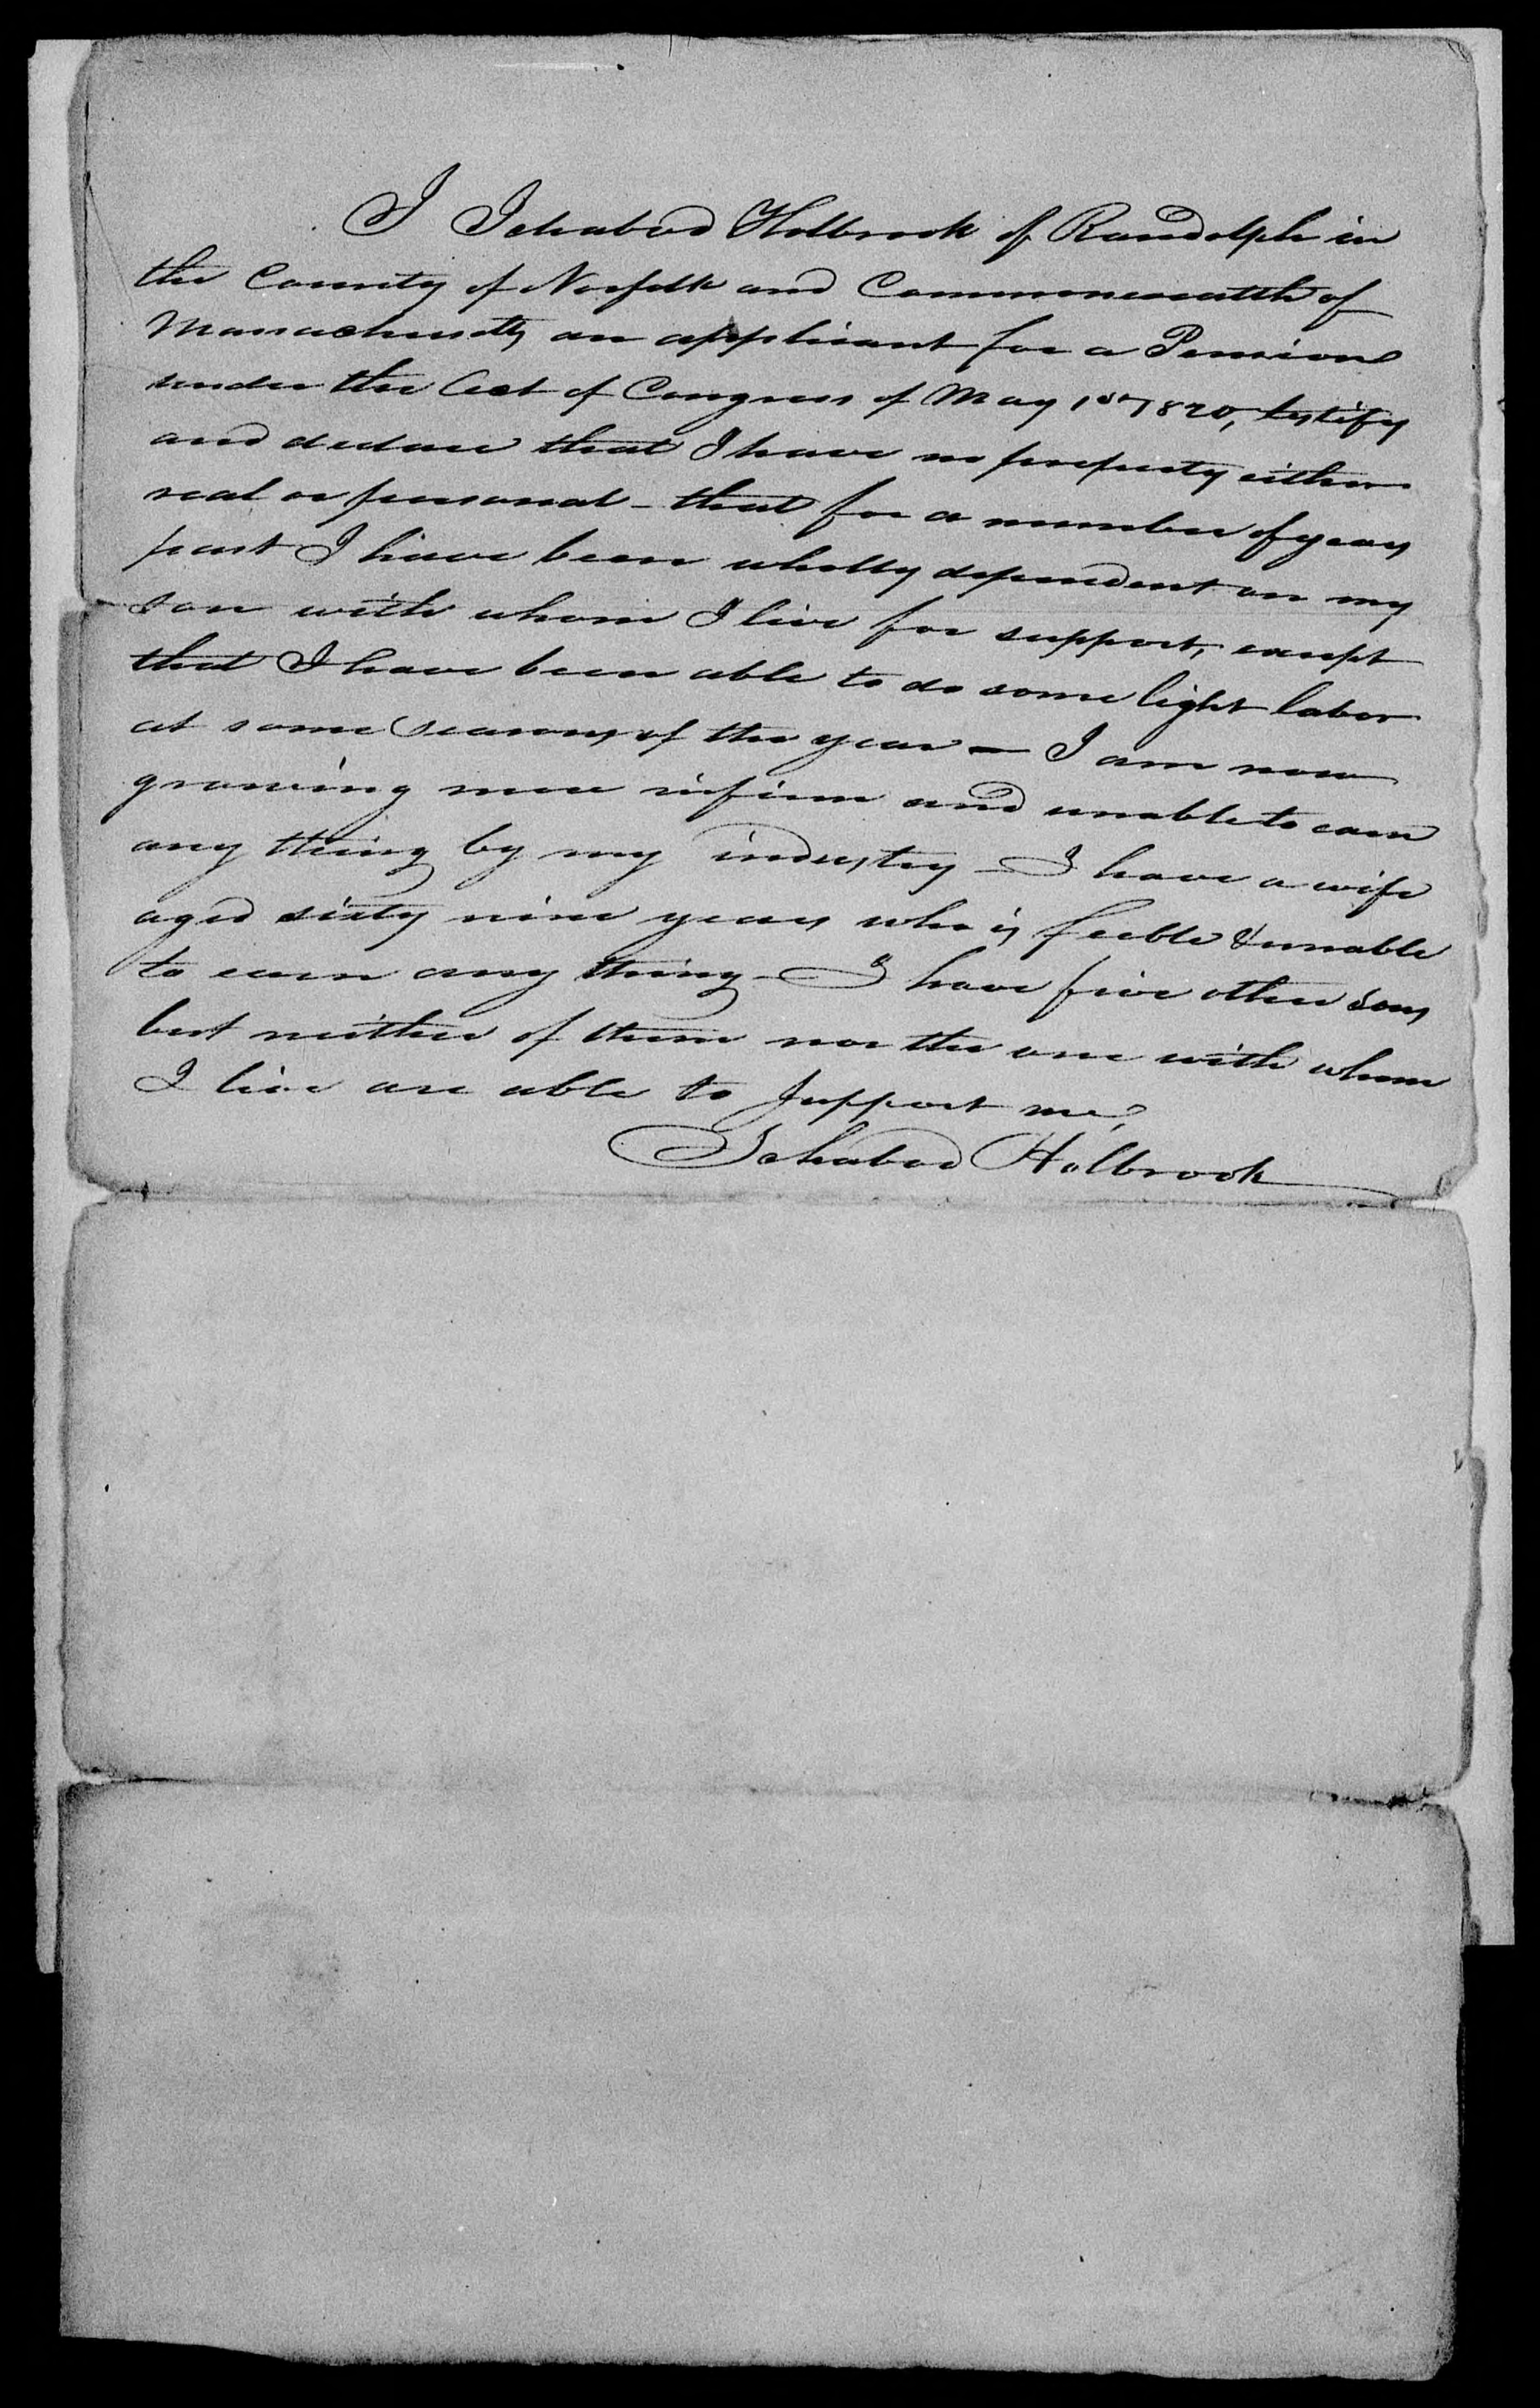I Ichabod Holbrook of Randolph in the County of Norfolk and Commonwealth of Massachusetts an applicant for a Pension under the Act of Congress of May 1st 1820, testify and declare that I have no property either real or personal – that for a number of years past I have been wholly dependent on my son with whom I live for support, except that I have been able to do some light labor at some seasons of the year — I am now growing near infirm and unable to earn any thing by my industry — I have a wife aged sixty nine years who is feeble & unable to earn any thing —I have five other sons but neither of them nor the one with whom I live are able to support me,

Ichabod Holbrook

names: Ichabod Holbrook, Ichabod Holbrook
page: 11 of 15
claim: survivor's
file: S. 32,852, Ichabod Holbrook, Continental Mass.